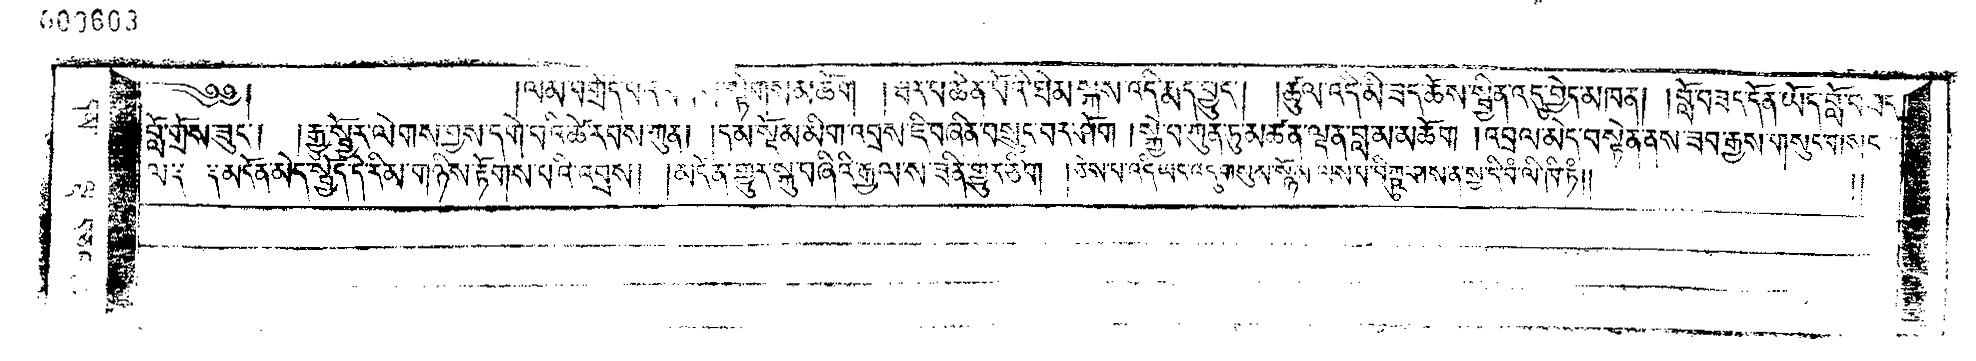༄༅། །ལམ་བགྲོད་པའི་བབས་སྟེགས་མཆོག །ཐར་པ་ཆེན་པོའི་ཐེམ་སྐས་འདི་རྨད་བྱུང་། །ཚུལ་འདི་མི་ཟད་ཆོས་སྦྱིན་འདུ་བྱེད་མཁན། །བློ་བཟང་དོན་ཡོད་བློ་བཟང་
བློ་གྲོས་ཟུང་། །རྒྱུ་སྦྱོར་ལེགས་བྱས་དགེ་བའི་ཚེ་རབས་ཀུན། །དམ་སྡོམ་མིག་འབྲས་ཇི་བཞིན་བསྲུང་བར་ཤོག །སྐྱེ་བ་ཀུན་ཏུ་མཚན་ལྡན་བླ་མ་མཆོག །འབྲལ་མེད་བསྟེན་ནས་ཟབ་རྒྱས་གསུང་གསང་
ལ༑ ༑མངོན་མེད་སྤྱོད་དེ་རིམ་གཉིས་རྟོགས་པའི་འབྲས། །མངོན་གྱུར་སྐུ་བཞིའི་རྒྱལ་ས་ཟིན་གྱུར་ཅིག ། ཅེས་པ་འདི་ཡང་འདུ་གསུམ་སྙོམ་ལས་པ་བིཀྵུ་ཤས་ན་སྱ་དི་བཾ་ལི་ཁི་ཏཾ།།  །།